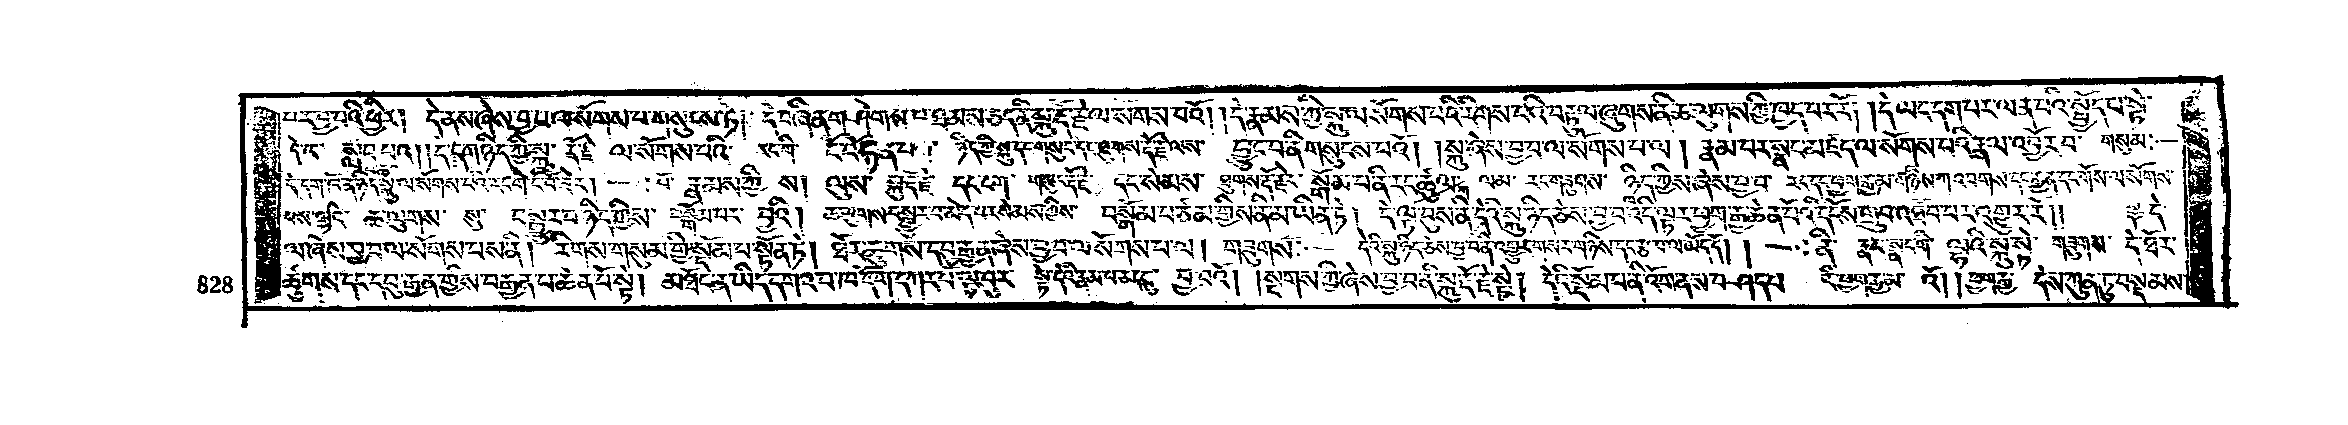པར་བྱ་བའི་ཕྱིར། དེ་ནས་ཞེས་བྱ་བ་ལ་སོགས་པ་གསུངས་ཏེ། དེ་བཞིན་གཤེགས་པ་ཐམས་ཅད་ནི་སྐུ་རྡོ་རྗེ་ལ་སོགས་པའོ། །དེ་རྣམས་ཀྱི་སྐུ་ལ་སོགས་པའི་རིགས་པའི་བརྟུལ་ཞུགས་ནི་ཆ་ལུགས་ཀྱི་ཁྱད་པར་རོ། །དེ་ཡང་དག་པར་ལེན་པའི་སྤྱོད་པ་སྟེ་
དེ་ལས་སླབ་པའོ། །དེ་དག་ཉིད་ཀྱི་སྐུ་རྡོ་རྗེ་ལ་སོགས་པའི་རང་གི་ངོ་བོ་བསྟན་པ། ཉིད་ཀྱི་སྐུ་དང་གསུང་དང་ཐུགས་རྡོ་རྗེ་ལས་བྱུང་བ་ནི་གསུངས་པའོ། །སྐུ་ཞེས་བྱ་བ་ལ་སོགས་པ་ལ། རྣམ་པར་སྣང་མཛད་ལ་སོགས་པའི་རྣལ་འབྱོར་བ་གསུམ་H.
དེ་དག་ཁོ་ན་ཉིད་པ་ཚབ་སྐུ་ལ་སོགས་པའི་རང་གི་ངོ་བོ་ཟེར། .H པོ་རྣམས་ཀྱིས། ལུས་སྐུ་རྡོ་རྗེ་དང་ངག་གསུང་རྡོ་རྗེ་སུ་དང་སེམས་ཐུགས་རྡོ་རྗེར་སྒོམ་པ་ནི་རང་ཚུལ་ལམ་རང་གཟུགས་ཉིད་ཀྱིས་ཞེས་བྱ་བ་རང་དང་ཕྱག་རྒྱ་མ་གཉིས་ཀ་འབགས་དང་རྒྱན་དང་གོས་ལ་སོགས་
པས་ལྷའི་ཆ་ལུགས་སུ་བསྒྱུར་བ་ཉིད་ཀྱིས་བསྒོམ་པར་བྱའི། ཆ་ལུགས་བསྒྱུར་བ་མེད་པར་སེམས་ཀྱིས་བསྒོམ་པ་ཙམ་གྱིས་ནི་མ་ཡིན་ཏེ། དེ་ལྟ་བུས་ནི་དེའི་སྐུ་ཉིད་ཅེས་བྱ་བ་ཁ་འདི་ལྟར་ཕྱག་རྒྱ་ཆེན་པོའི་དངོས་གྲུབ་འཐོབ་པར་འགྱུར་རོ།། ༈ དེ་
ལ་ཞེས་བྱ་བ་ལ་སོགས་པས་ནི། རིགས་གསུམ་གྱི་སྡོམ་པ་སྟོན་ཏེ། ཐོར་ཆུགས་དབུ་རྒྱན་ཞེས་བྱ་བ་ལ་སོགས་པ་ལ། གཟུགསཿ་དེའི་སྐུ་ཉིད་ཅེས་བྱ་བ་ནི་འགྱུར་གསར་གཉིས་དང་རྩ་བ་ལ་མེད་དོ། ། .H ནི་རྣམ་སྣང་གི་ལྷའི་སྐུ་སྟེ་གཟུགས་དེ་ཐོར་
ཚུགས་དང་དབུ་རྒྱན་གྱིས་བརྒྱན་པ་ཆེན་པོ་སྟེ། མཐོང་ན་ཡིད་དགའ་བ་ཁ་དོག་དཀར་པོ་ལྟ་བུར་སྟེ་དེའི་རྣམ་པ་ཅན་དུ་བྱའོ། །སྔགས་ཀྱི་ཞེས་བྱ་བ་ནི་སྐུ་རྡོ་རྗེ་སྟེ། དེའི་སྡོམ་པ་ནི་འོག་ནས་བཤད་པའི་ཕྱག་རྒྱ་མ་འོ། །ཕྱག་རྒྱ་དེས་ཀུན་ཏུ་བསྡམས་